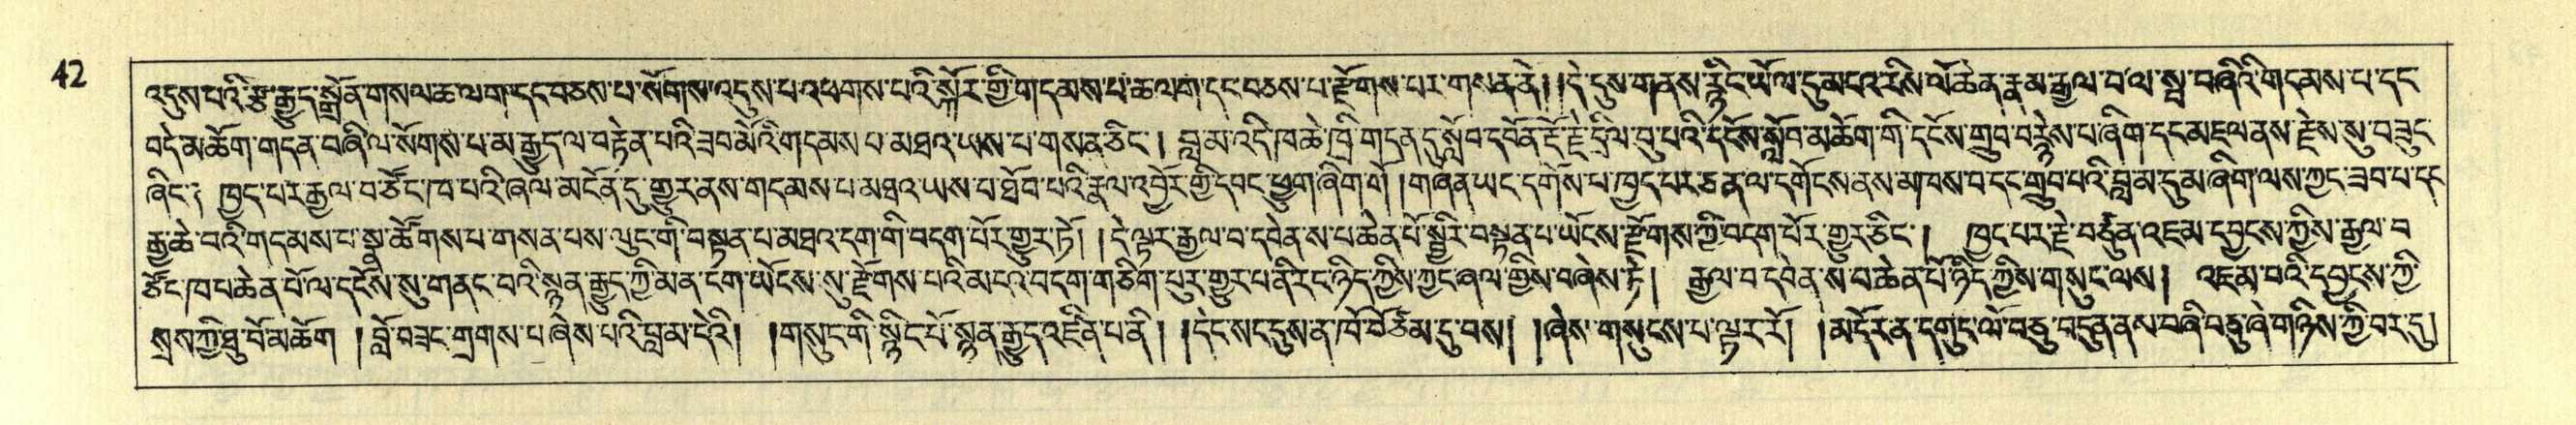འདུས་པའི་རྩ་རྒྱུད་སྒྲོན་གསལ་ཆ་ལག་དང་བཅས་པ་སོགས་འདུས་པ་འཕགས་པའི་སྐོར་གྱི་གདམས་པ་ཆ་ལག་དང་བཅས་པ་རྫོགས་པར་གསན་ནོ། །དེ་དུས་གནས་རྙིང་ཡོལ་དུ་མངའ་རིས་ལོ་ཆེན་རྣམ་རྒྱལ་བ་ལ་སྦ་བཞིའི་གདམས་པ་དང་
བདེ་མཆོག་གདན་བཞི་ལ་སོགས་པ་མ་རྒྱུད་ལ་བརྟེན་པའི་ཟབ་མོའི་གདམས་པ་མཐའ་ཡས་པ་གསན་ཅིང་། བླ་མ་འདི་ཁ་ཆེ་ཁྲི་གདན་དུ་སློབ་དཔོན་རྡོ་རྗེ་དྲིལ་བུ་པའི་དངོས་སློབ་མཆོག་གི་དངོས་གྲུབ་བརྙེས་པ་ཞིག་དང་མཇལ་ནས་རྗེས་སུ་བཟུང་
ཞིང༑ ཁྱད་པར་རྒྱལ་བ་ཙོང་ཁ་པའི་ཞལ་མངོན་དུ་གྱུར་ནས་གདམས་པ་མཐའ་ཡས་པ་ཐོབ་པའི་རྣལ་འབྱོར་གྱི་དབང་ཕྱུག་ཞིག་གོ །གཞན་ཡང་དགོས་པ་ཁྱད་པར་ཅན་ལ་དགོངས་ནས་མཁས་བ་དང་གྲུབ་པའི་བླ་མ་དུ་མ་ཞིག་ལས་ཀྱང་ཟབ་པ་དང་
རྒྱ་ཆེ་བའི་གདམས་པ་སྣ་ཚོགས་པ་གསན་པས་ལུང་གི་བསྟན་པ་མཐའ་དག་གི་བདག་པོར་གྱུར་ཏོ། །དེ་ལྟར་རྒྱལ་བ་དབེན་ས་པ་ཆེན་པོ་སྦྱིར་བསྟན་པ་ཡོངས་རྫོགས་ཀྱི་བདག་པོར་གྱུར་ཅིང་། ཁྱད་པར་རྗེ་བཙུན་འཇམ་དབྱངས་ཀྱིས་རྒྱལ་བ་
ཙོང་ཁ་པ་ཆེན་པོ་ལ་དངོས་སུ་གནང་བའི་སྙན་རྒྱུད་ཀྱི་མན་ངག་ཡོངས་སུ་རྫོགས་པའི་མདའ་བདག་གཅིག་པུར་གྱུར་པ་ནི་རང་ཉིད་ཀྱིས་ཀྱང་ཞལ་གྱིས་བཞེས་ཏེ། རྒྱལ་བ་དབེན་ས་པ་ཆེན་པོ་ཉིད་ཀྱིས་གསུང་ལས། འཇམ་པའི་དབྱངས་ཀྱི་
སྲས་ཀྱི་ཐུ་བོ་མཆོག །བློ་བཟང་གྲགས་པ་ཞེས་པའི་བླ་མ་དེའི། །གསུང་གི་སྙིང་པོ་སྙན་རྒྱུད་འཛིན་པ་ནི། །དེང་སང་དུས་ན་ཁོ་བོ་ཙམ་དུ་བས། །ཞེས་གསུངས་པ་ལྟར་རོ། །མདོར་ན་དགུང་ལོ་བཅུ་བདུན་ནས་བཞི་བཅུ་ཞེ་གཉིས་ཀྱི་བར་དུ།